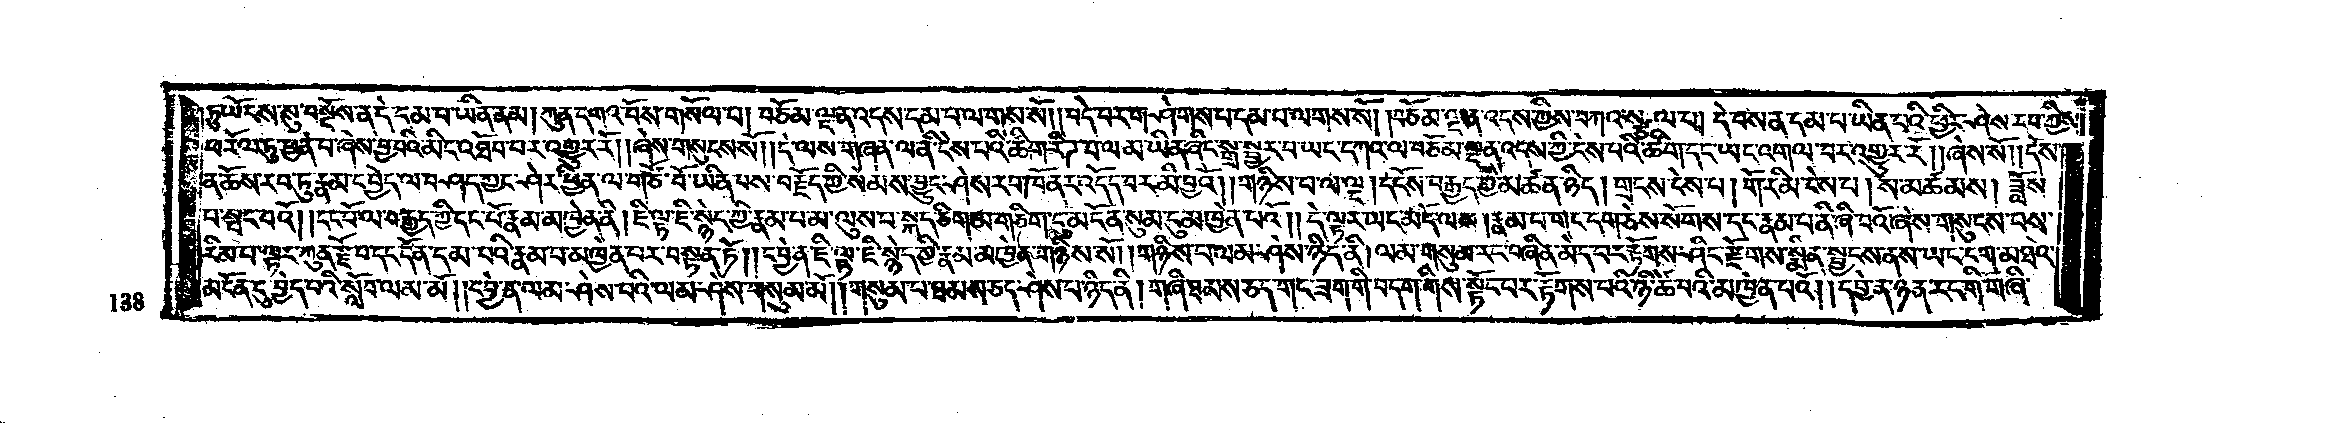ཏུ་ཡོངས་སུ་བསྔོས་ན་དེ་དམ་པ་ཡིན་ནམ། ཀུན་དགའ་བོས་གསོལ་བ། བཅོམ་ལྡན་འདས་དམ་པ་ལགས་སོ། །བདེ་བར་གཤེགས་པ་དམ་པ་ལགས་སོ། །བཅོམ་ལྡན་འདས་ཀྱིས་བཀའ་སྩལ་པ། དེ་བས་ན་དམ་པ་ཡིན་པའི་ཕྱིར་ཤེས་རབ་ཀྱིས་
ཕ་རོལ་ཏུ་ཕྱིན་པ་ཞེས་བྱ་བའི་མིང་འཐོབ་པར་འགྱུར་རོ། །ཞེས་གསུངས་སོ། །དེ་ལས་གཞན་ལ་ནི་ངེས་པའི་ཚིག་རིགས་པ་ལམ་ཡིན་ཞིང་སྒྲ་སྦྱར་བ་ཡང་དཀའ་ལ་བཅོམ་ལྡན་འདས་ཀྱི་ངེས་པའི་ཚིག་དང་ཡང་འགལ་བར་འགྱུར་རོ། །ཞེས་སོ། །དེས་
ན་ཚེས་རབ་ཏུ་རྣམ་དབྱེད་ལ་བཤད་ཀྱང་ཤེར་ཕྱིན་ལ་གཙོ་བོ་ཡིན་པས་བརྗོད་ཀྱི་སེམས་བྱུང་ཤེས་རབ་ཁོ་ནར་འདོད་པར་མི་བྱའོ། །གཉིས་པ་ལ་ལྔ། དངོས་བརྒྱད་ཀྱི་མཚན་ཉིད། གྲངས་ངེས་པ། གོ་རིམ་ངེས་པ། ས་མཚམས། ཟློས་
པ་སྣང་བའོ། །དང་པོ་ལ་བརྒྱད་ཀྱི་དང་པོ་རྣམ་མཁྱེན་ནི། ཇི་ལྟ་ཇི་སྙེད་ཀྱི་རྣམ་པ་མ་ལུས་པ་སྐད་ཅིག་མ་གཅིག་དུ་མངོན་སུམ་དུ་མཁྱེན་པའོ། །དེ་ལྟར་ཡང་མདོ་ལས། རྣམ་པ་གང་དག་ཅེས་སོགས་དང་རྣམ་པ་ནི་ཞི་བའོ་ཞེས་གསུངས་པས་
ངེས་པ་ལྟར་ཀུན་རྫོབ་དང་དོན་དམ་པའི་རྣམ་པ་མཁྱེན་པར་བསྟན་ཏོ། །དབྱེ་ན་ཇི་ལྟ་ཇི་སྙེད་ཀྱི་རྣམ་མཁྱེན་གཉིས་སོ། །གཉིས་པ་ལམ་ཤེས་ཉིད་ནི། ལམ་གསུམ་རང་བཞིན་མེད་པར་རྟོགས་ཤིང་རྫོགས་སྨིན་སྦྱངས་ནས་ཡང་དག་མཐའ་
མངོན་དུ་བྱེད་པའི་སློབ་ལམ་མོ། །དབྱེ་ན་ལམ་ཤེས་པའི་ལམ་ཤེས་གསུམ་མོ། །གསུམ་པ་ཐམས་ཅད་ཤེས་པ་ཉིད་ནི། གཞི་ཐམས་ཅད་གང་ཟག་གི་བདག་གིས་སྟོང་པར་རྟོགས་པའི་ཉི་ཚེ་བའི་མཁྱེན་པའོ། །དབྱེ་ན་ཉན་རང་གི་གཞི་